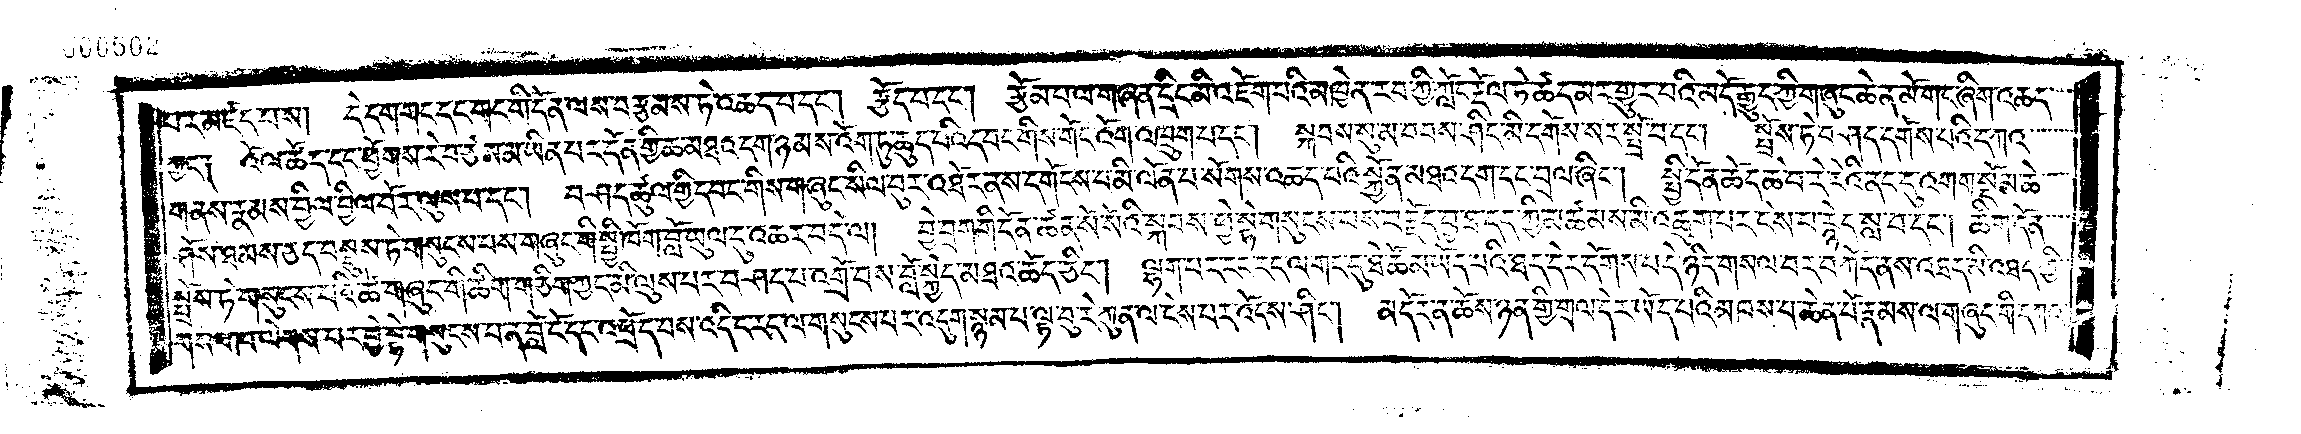པར་མཛད་པས། དེ་དག་གང་དང་གང་གི་དོན་ལས་བརྩམས་ཏེ་འཆད་པ་དང་། རྩོད་པ་དང་། རྩོམ་པ་ལ་གཞན་དྲིང་མི་འཇོག་པའི་མཁྱེན་རབ་ཀྱི་ཀློང་རྡོལ་ཏེ་ཚད་མར་གྱུར་བའི་མདོ་རྒྱུད་ཀྱི་གཞུང་ཆེན་མོ་གང་ཞིག་འཆད་
ཀྱང༑ འོལ་ཚོད་དང་ཕྱོགས་རེ་བ་ཙམ་མ་ཡིན་པར་དོན་གྱི་ཆ་མཐའ་དག་ཉམས་འོག་ཏུ་ཆུད་པའི་དབང་གིས་གོང་འོག་འཁྲུག་པ་དང་། སྐབས་སུ་མ་བབས་ཤིང་མི་དགོས་སར་སྤྲོ་བ་དང་། སྤྲོས་ཏེ་བཤད་དགོས་པའི་དཀའ་
གནས་རྣམས་བྱིལ་བྱིལ་བོར་ལུས་པ་དང་། བཤད་ཚུལ་གྱི་དབང་གིས་གཞུང་སིལ་བུར་འཐོར་ནས་དགོངས་པ་མི་ལོན་པ་སོགས་འཆད་བའི་སྐྱོན་མཐའ་དག་དང་བྲལ་ཞིང་། སྤྱི་དོན་ཆོད་ཆེ་བ་རེ་རེའི་ནང་དུ་འགག་སྡོམ་ཆེ་
ཤོས་ཐམས་ཅད་བསྡུས་ཏེ་གསུངས་པས་གཞུང་གི་སྤྱི་ཁོག་བློ་ཡུལ་དུ་འཆར་བདེ་ལ། བྱེ་བྲག་གི་དོན་ཚན་སོ་སོའི་སྐབས་ཕྱེ་སྟེ་གསུངས་པས་བརྗོད་བྱ་ཐ་དད་ཀྱི་མཚམས་མི་འཆུག་པར་ངེས་པ་རྙེད་སླ་བ་དང་། ཚིག་དོན་
སྤྲོས་ཏེ་གསུངས་པའི་ཚེ་གཞུང་གི་ཆིག་གཅིག་ཀྱང་མི་ལུས་པར་བཤད་པ་འགྲོ་བས་བློ་སྐྱེད་མཐའ་ཆོད་ཅིང་། ལྷག་པར་རང་རང་ལ་གང་དུ་ཐེ་ཚོམ་ཡོད་པའི་ཐད་དེར་དོགས་པ་དེ་ཉིད་གསལ་བར་བཀོད་ནས་འཐད་མི་འཐད་ཀྱི་
གསལ་ཁ་ལེགས་པར་ཕྱེ་སྟེ་གསུངས་པ་ན་བློ་ངོ་དང་འཕྲོད་པས་འདིང་རང་ལ་གསུངས་པར་འདུག་སྙམ་པ་ལྟ་བུ་རེ་ཀུན་ལ་ངེས་པར་འོངས་ཤིང་། མདོར་ན་ཆོས་ཉན་གྱི་གྲལ་དེར་ཡོད་པའི་མཁས་པ་ཆེན་པོ་རྣམས་ལ་གཞུང་གི་དཀའ་